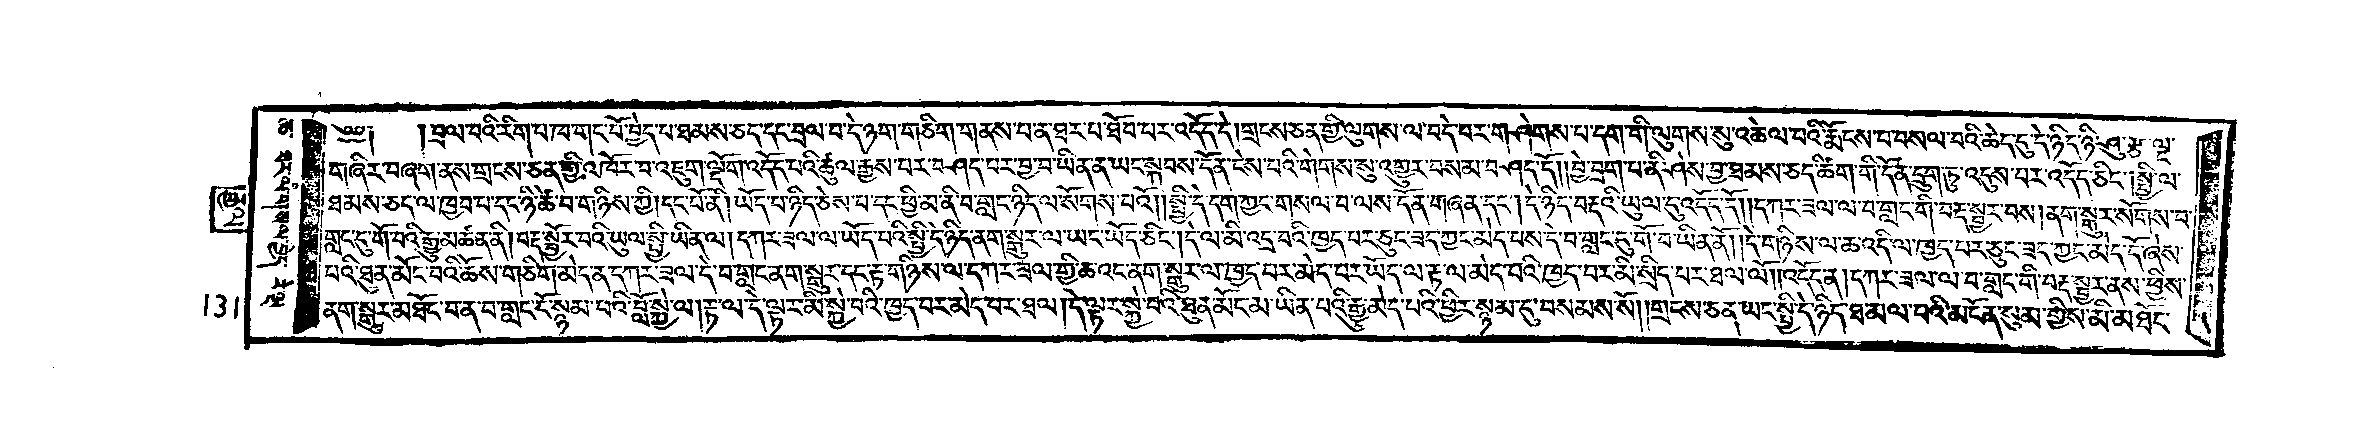༄༅། །བྲལ་བའི་རིག་པ་ཁ་གང་པོ་བྱེད་པ་ཐམས་ཅད་དང་བྲལ་བ་དེ་ཉག་གཅིག་གནས་པ་ན་ཐར་པ་ཐོབ་པར་འདོད་དེ། གྲངས་ཅན་གྱི་ལུགས་ལ་བདེ་བར་གཤེགས་པ་དག་གི་ལུགས་སུ་འཆེལ་བའི་རྨོངས་པ་བསལ་བའི་ཆེད་དུ་དེ་ཉིད་ཉི་ཤུ་རྩ་ལྔ་
གཞིར་བཞག་ནས་གྲངས་ཅན་གྱི་འཁོར་བ་འཇུག་ལྡོག་འདོད་པའི་ཚུལ་རྒྱས་པར་བཤད་པར་བྱ་བ་ཡིན་ན་ཡང་སྐབས་དོན་ངེས་པའི་གེགས་སུ་འགྱུར་བས་མ་བཤད་དོ། །བྱེ་བྲག་པ་ནི་ཤེས་བྱ་ཐམས་ཅད་ཚིག་གི་དོན་དྲུག་ཏུ་འདུས་པར་འདོད་ཅིང་། སྤྱི་ལ་
ཐམས་ཅད་ལ་ཁྱབ་པ་དང་ཉི་ཚེ་བ་གཉིས་ཀྱི། དང་པོ་ནི། ཡོད་པ་ཉིད་ཅེས་པ་དང་ཕྱི་མ་ནི་བ་གླང་ཉིད་ལ་སོགས་པའོ། །སྤྱི་དེ་དག་ཀྱང་གསལ་བ་ལས་དོན་གཞན་དང་། དེ་ཉིད་བརྡའི་ཡུལ་དུ་འདོད་དོ། །དཀར་ཟལ་ལ་བ་གླང་གི་བརྡ་སྦྱར་བས། ནག་སྒུར་སོགས་པ་
གླང་དུ་གོ་བའི་རྒྱུ་མཚན་ནི། བརྡ་སྦྱོར་བའི་ཡུལ་སྤྱི་ཡིན་ལ། དཀར་ཟལ་ལ་ཡོད་པའི་སྤྱི་དེ་ཉིད་ནག་སྒུར་ལ་ཡང་ཡོད་ཅིང་། དེ་ལ་མི་འདྲ་བའི་ཁྱད་པར་ཅུང་ཟད་ཀྱང་མེད་པས་དེ་བ་གླང་དུ་གོ་བ་ཡིན་ནོ། །དེ་གཉིས་ལ་ཆ་འདི་ལ་ཁྱད་པར་ཅུང་ཟད་ཀྱང་མེད་དོ་ཞེས་
པའི་ཐུན་མོང་བའི་ཆོས་གཅིག་མེད་ན་དཀར་ཟལ་དེ་བ་གླང་ནག་སྒུར་དང་རྟ་གཉིས་ལ་དཀར་ཟལ་གྱི་ཆ་འང་ནག་སྒུར་ལ་ཁྱད་པར་མེད་པར་ཡོད་ལ་རྟ་ལ་མེད་པའི་ཁྱད་པར་མི་སྲིད་པར་ཐལ་ལོ། །འདོད་ན། དཀར་ཟལ་ལ་བ་གླང་གི་བརྡ་སྦྱར་ནས་ཕྱིས་
ནག་སྒུར་མཐོང་བ་ན་བ་གླང་ངོ་སྙམ་པའི་བློ་སྐྱེ་ལ། རྟ་ལ་དེ་ལྟར་མི་སྐྱེ་བའི་ཁྱད་པར་མེད་པར་ཐལ། དེ་ལྟར་སྐྱེ་བའི་ཐུན་མོང་མ་ཡིན་པའི་རྒྱུ་མེད་པའི་ཕྱིར་སྙམ་དུ་བསམས་སོ། །གྲངས་ཅན་ཡང་སྤྱི་དེ་ཉིད་ཐ་མལ་བའི་མངོན་སུམ་གྱིས་མི་མཐོང་